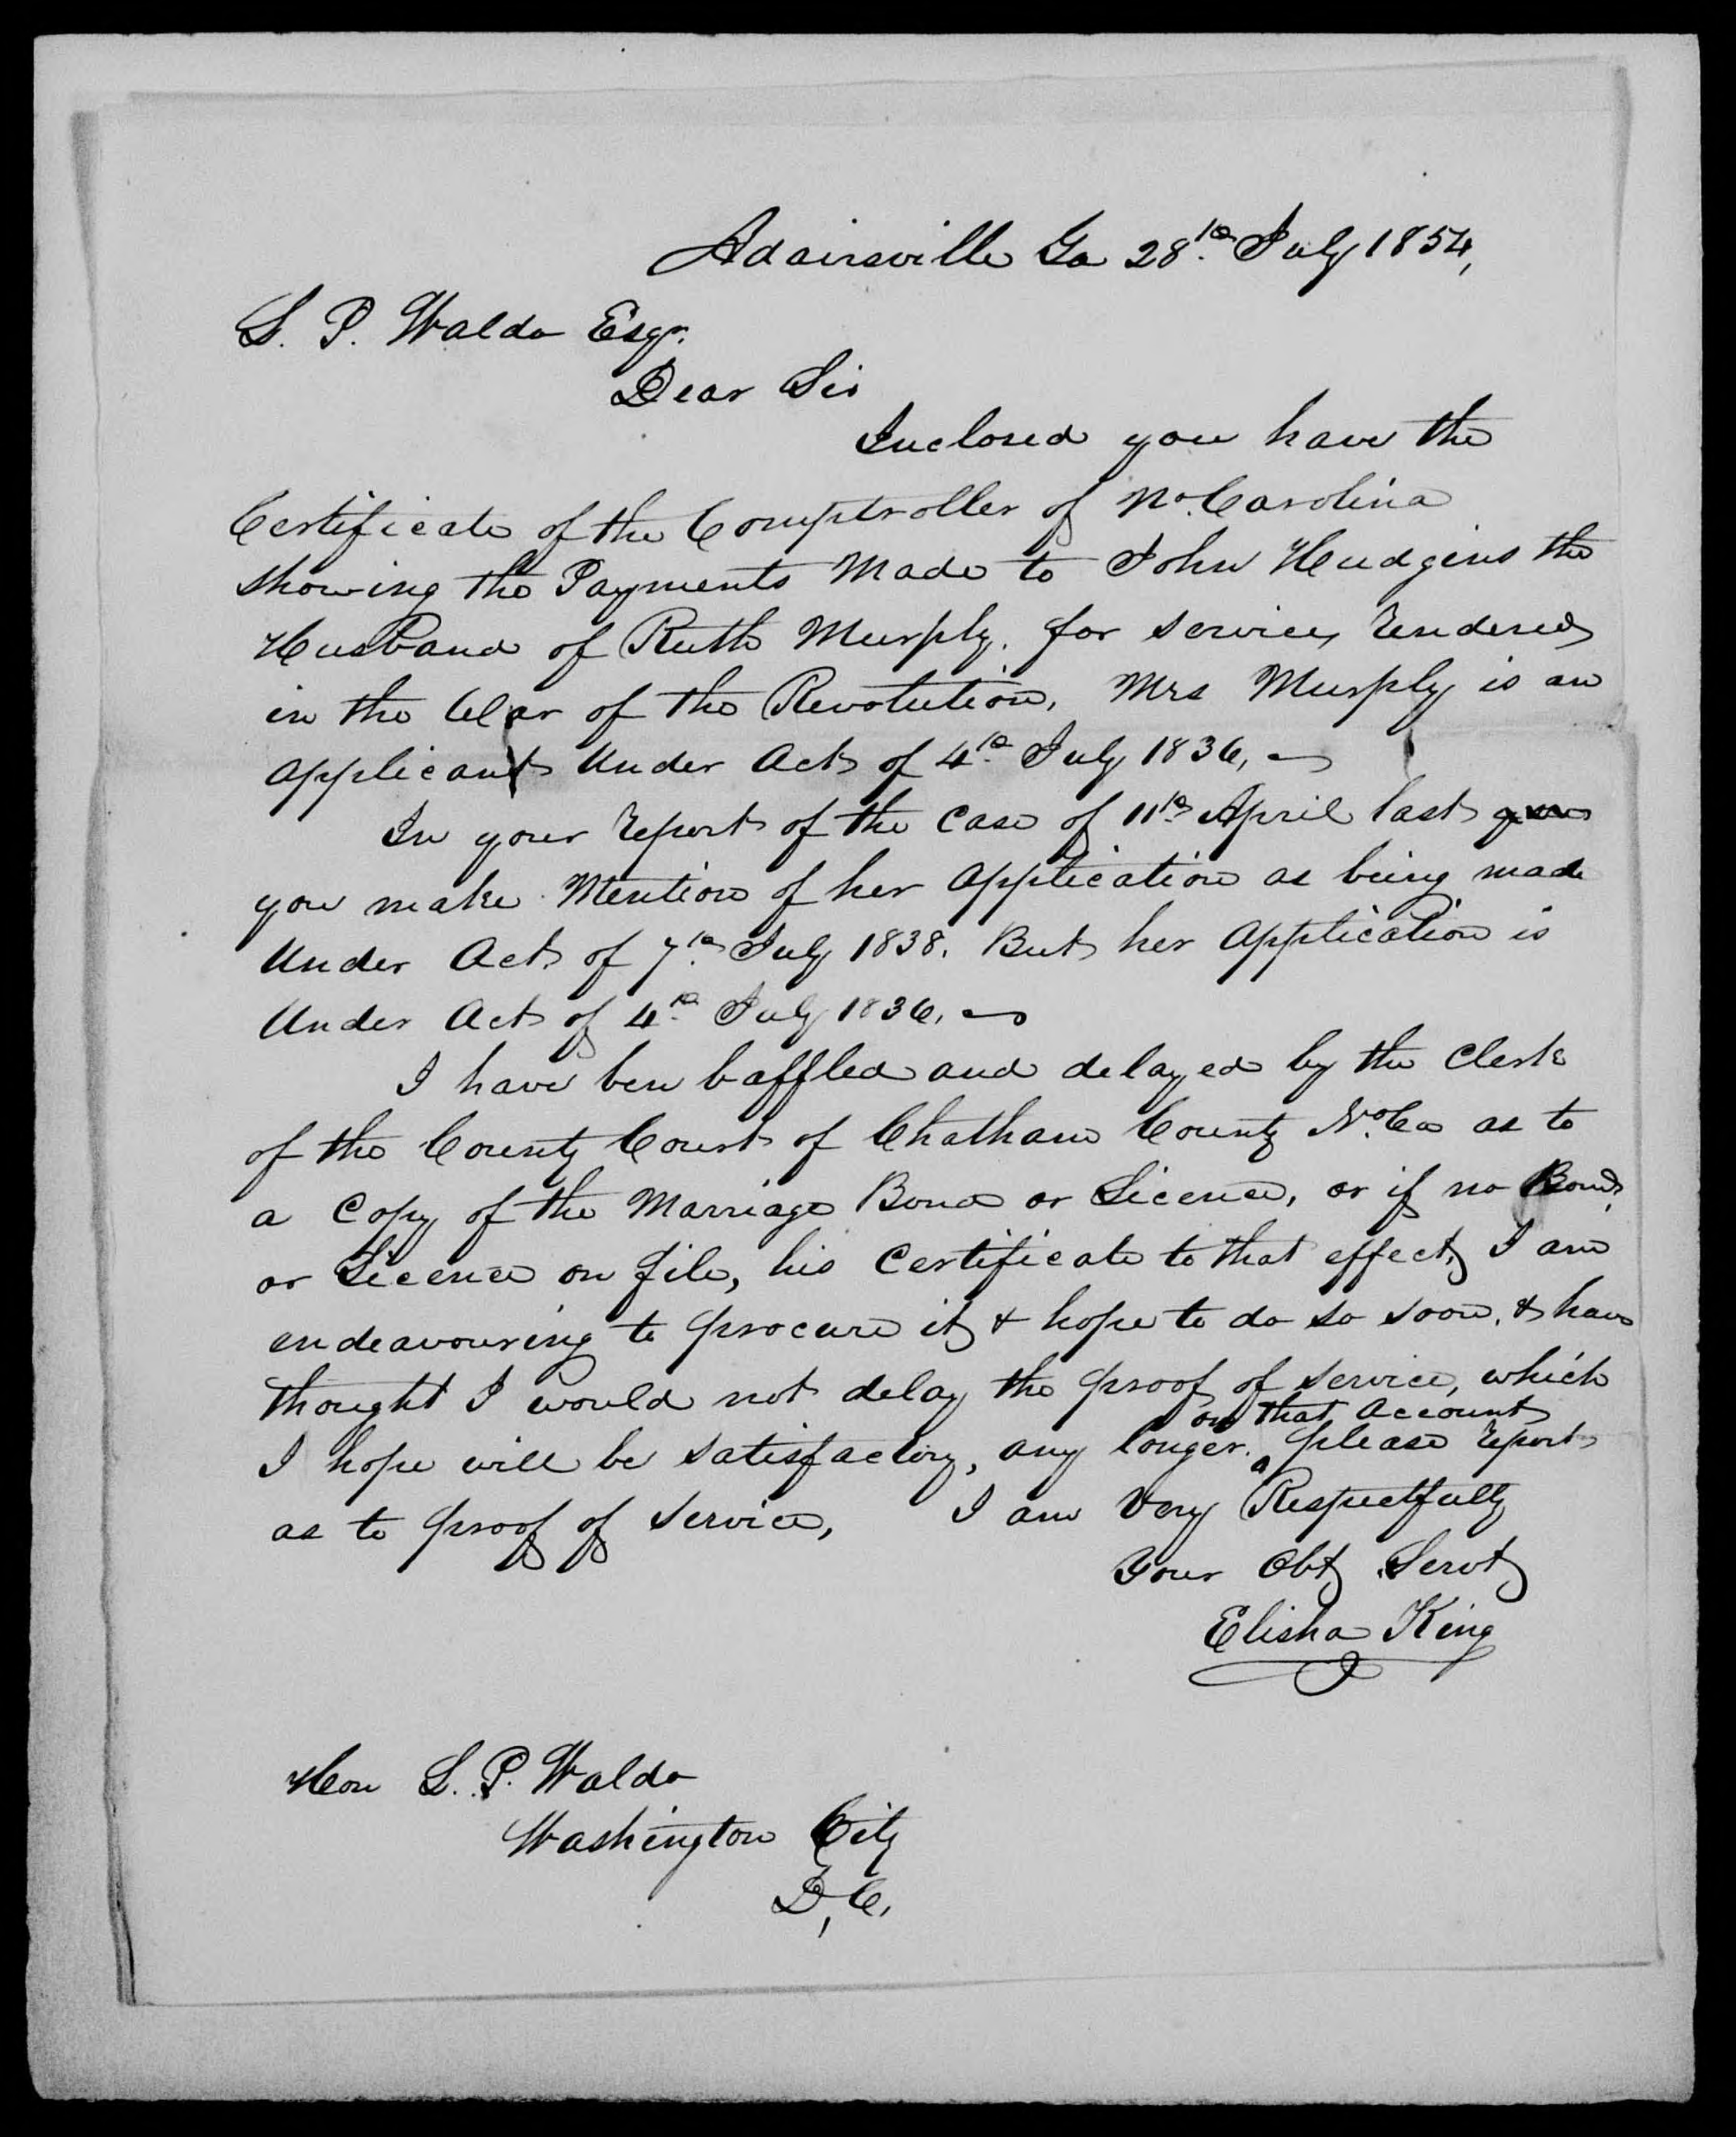Adairsville Ga 28th July 1856,
S.P. Waldo Esq

Dear Sir
Enclosed you have the Certificate of the Comptroller of North Carolina
Showing the payments made to John Hudgins the husband of Ruth Murphy for service rendered in the War of the Revolution, Mrs Murphy is an applicant under Acts of 4th July 1836,
In your report of the case of 11th April last year you made mention of her application as being made under Act of 4thy July 1838, but her application is under Act of 4th July 1836.—
I have been baffled and delayed by the clerk of the county court of Chatham County because as to a copy of the Marriage Bond or License, as if no bond or License on file, his certificate to that effect. I am endeavoring to yes care if and hope to do so soon and have thought I would not delay the proof of service, which I hope will be satisfactory, any longer of that account release report as to proof of service, 
I am very Respectfully 
Your obedient servant
Elisha King

Hon S.P. Waldo
Washington City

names: L P Waldo, Elisha King, Ruth Murphy, John Hudgins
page: 108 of 108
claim: rejected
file: R. 7,515, John Hudgins, N.C.